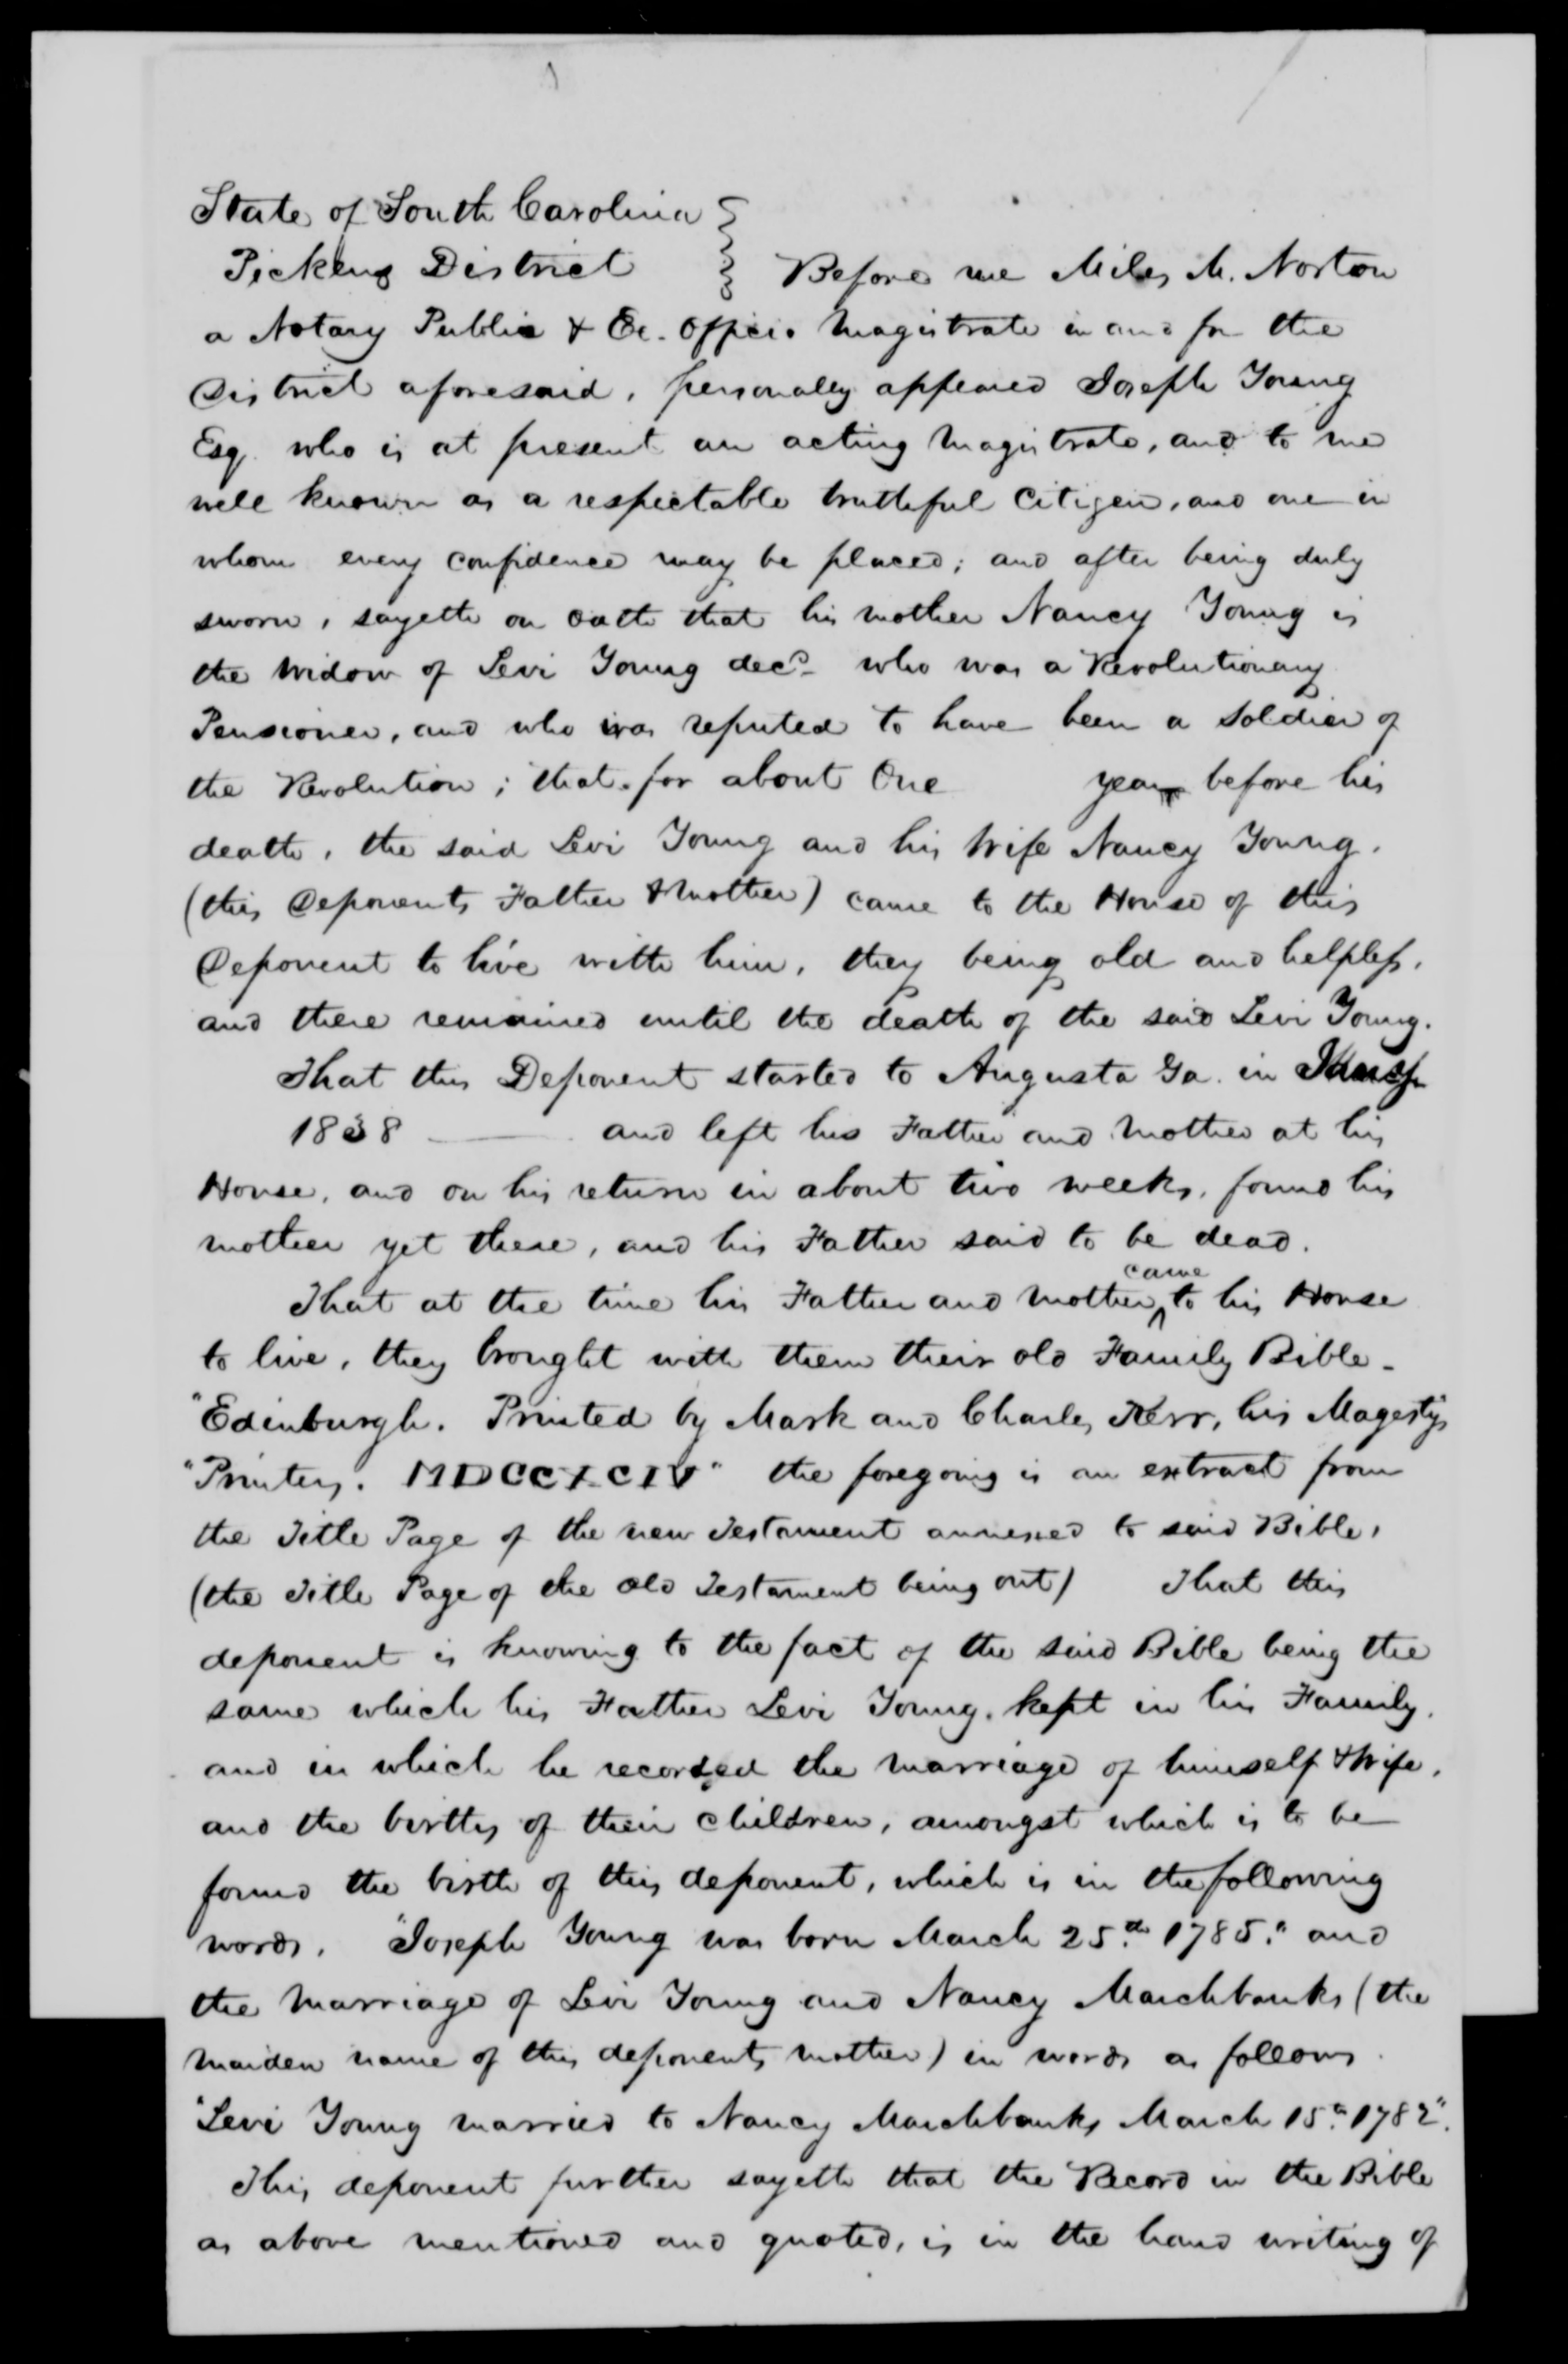State of South Carolina {
Pickens District {  Before me Miles M. Norton
a Notary Public + Ex-officio Magistrate in and for the
District aforesaid, personally appeared Joseph Young
Esq. who is at present an acting magistrate, and to me
well known as a respectable truthful citizen, and one in
whom every confidence may be placed; and after being duly
sworn, sayeth on oath that he mother Nancy Young is
the widow of Levy Young decd (sic deceased) who was a Revolutionary
Pensioner, and who was reputed to have been a soldier of
the Revolution; that for about one year before his
death, the said Levi Young and his wife Nancy Young
(this Deponents Father + Mother) came to the House of this
Deponent to live with him, they being old and helpless,
and there remained until the death of the said Levi Young.
That this Deponent started to August Ga. [Georgia] in (?)
1838 and left his Father an Mother at his
House, and on his return in about two weeks, found his
mother yet there, and his Father said to be dead.
That at the time his Father and Mother came to his House
to live, they brought with them their old Family Bible.
"Edinburgh. Printed by Mark and Charles Kerr, his Majesty's
"Printers. MDCCXCIV" the foregoing is an extract from
the Title Page of the new Testament annexed to said Bible,
(the title Page of the old Testament being out) That this
deponent is knowing to the fact of the said Bible being the
same which his Father Levi Young kept in his Family
and is which he recorded the marriage of himself + wife,
and the births of their children, amongst which is to be
formed the birth of this deponent, which is in the following
words "Joseph Young was born March 25th 1785" and
the marriage of Levi Young and Nancy Marchbanks (the
maiden name of this deponents mother) in words as follows
"Levi Young married to Nancy Marchbanks March 15th 1782"
This deponent further sayeth that the Record in the Bible
as above mentioned and quoted, is in the hand writing of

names: Nancy Marchbanks, Levi Young, Miles M Norton, Charles Kerr, Joseph Young, Nancy Young, Mark Kerr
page: 21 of 56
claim: widow's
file: W. 9040, Levi Young, Ga. New Jersey S.C.